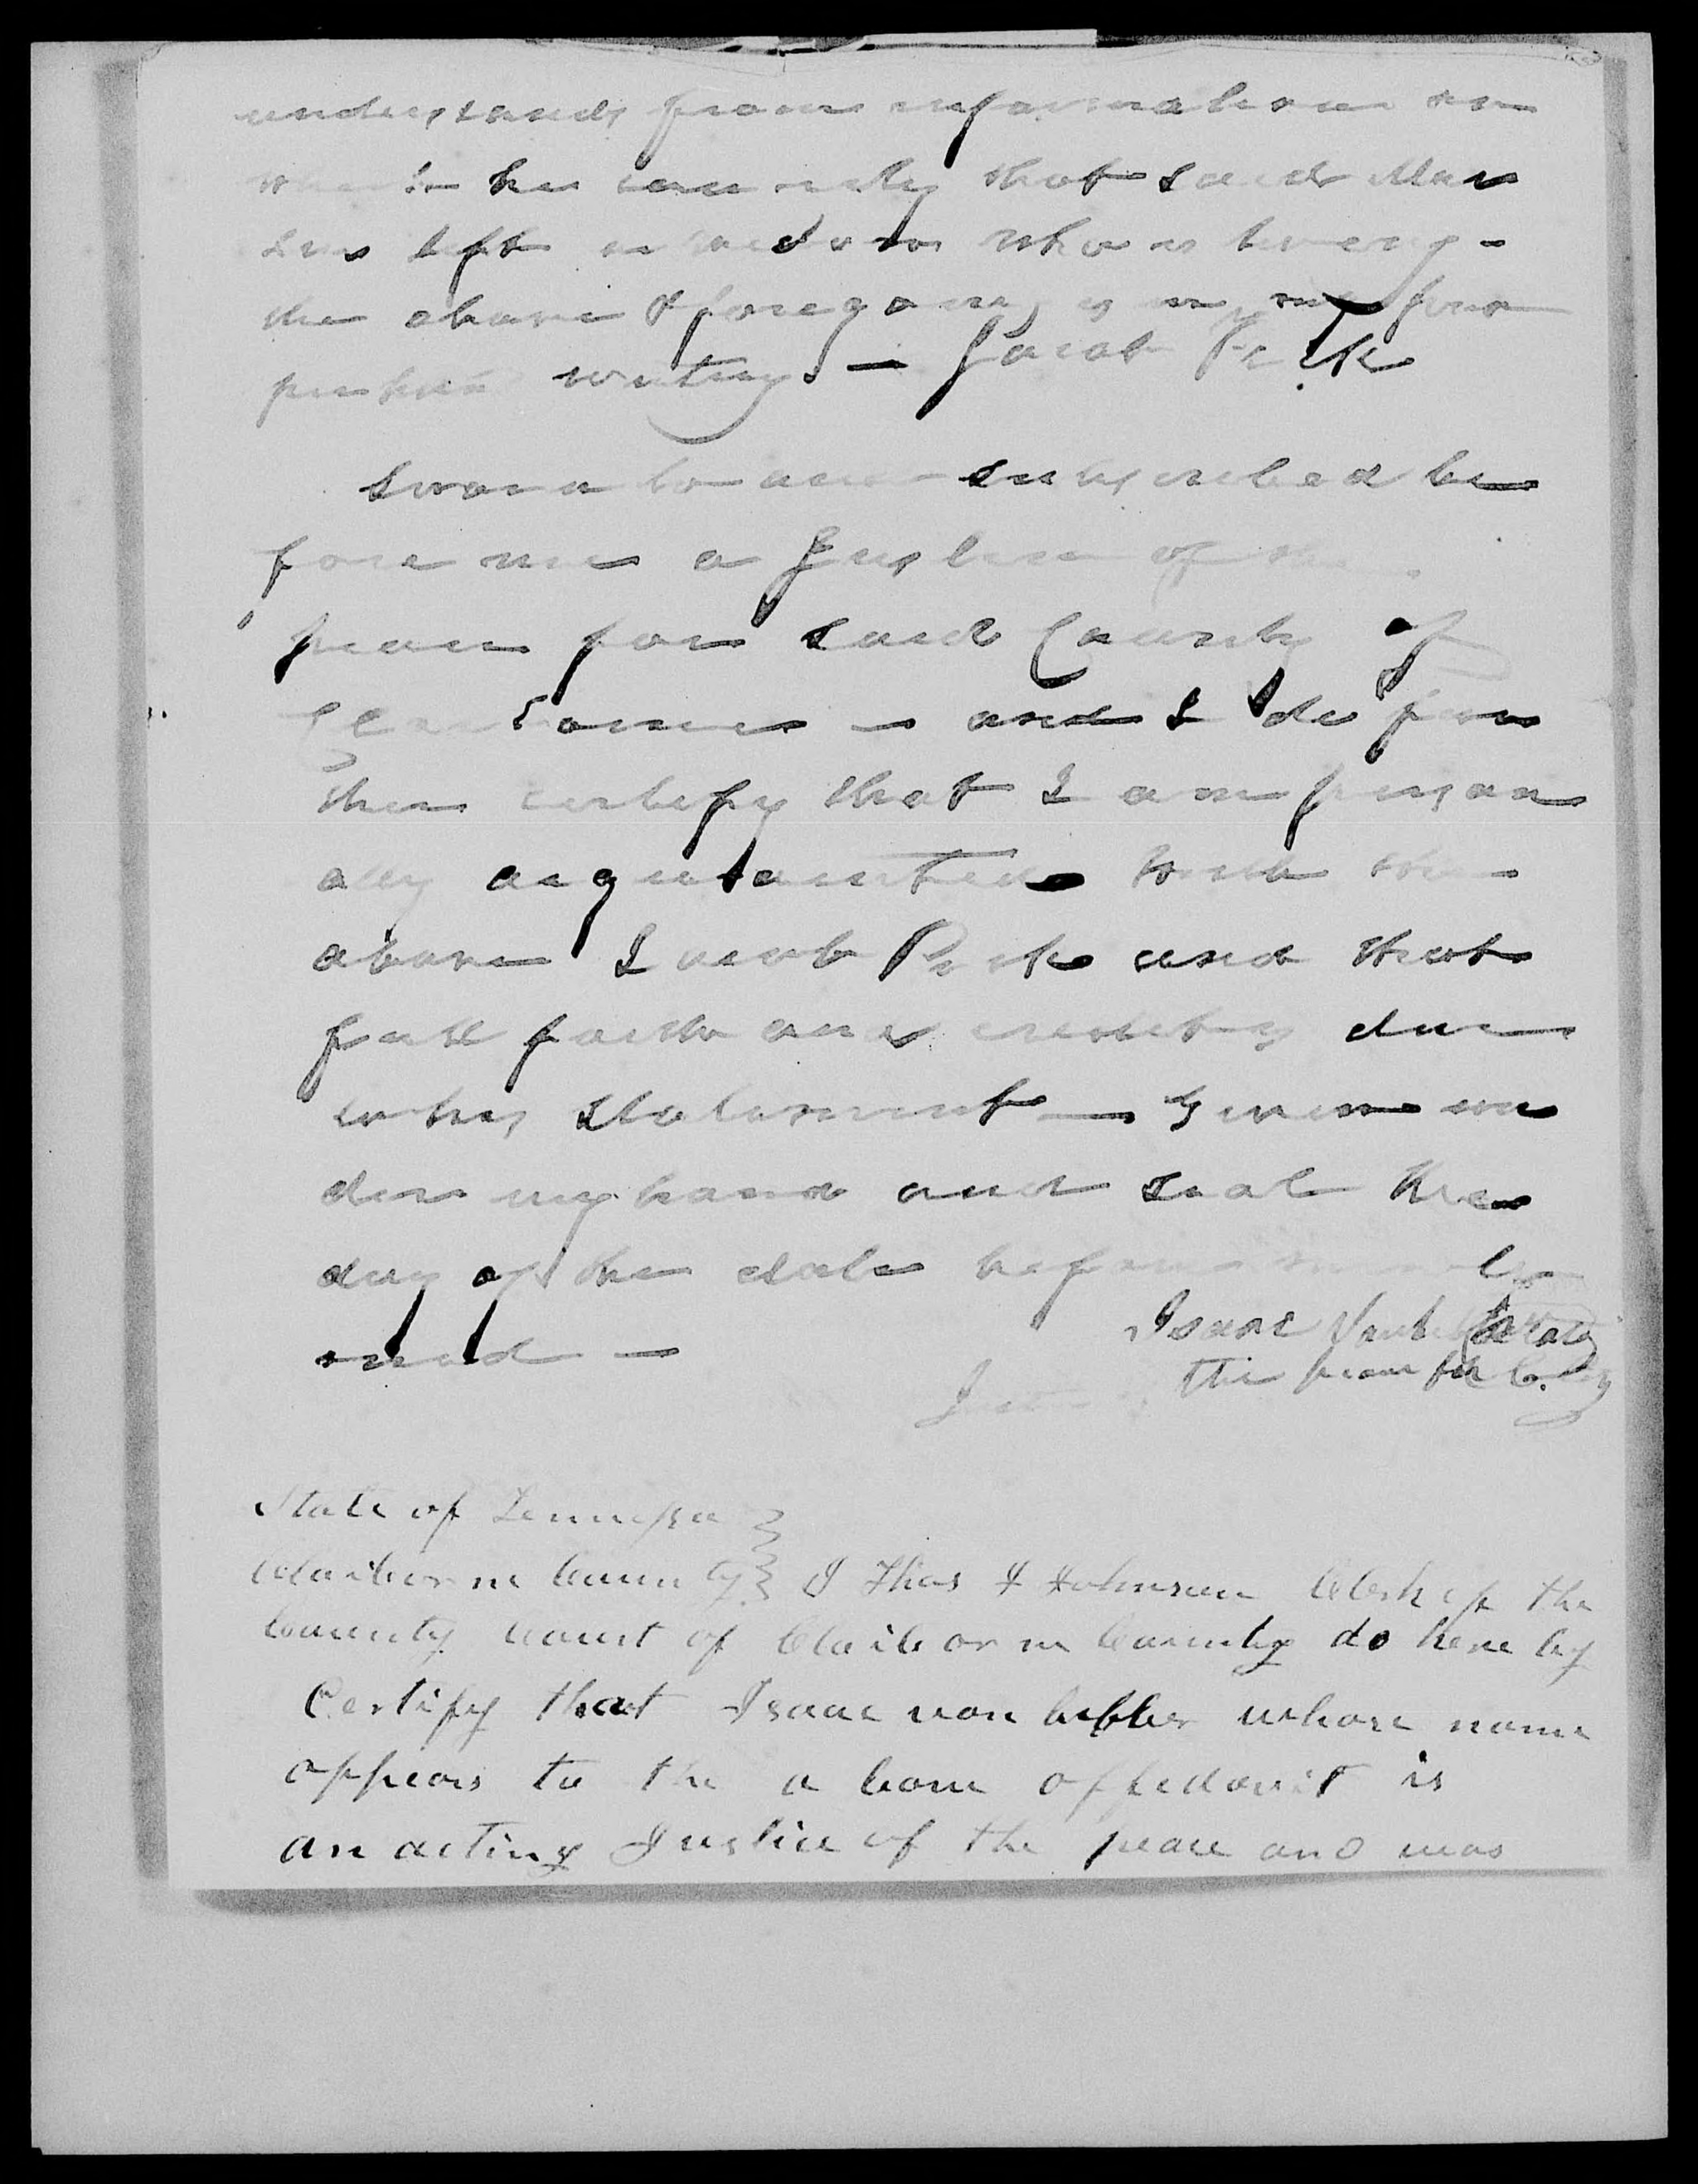understand from information on
when he has [illegible] only that said Mar
tin left a widow who is [illegible]
the above & foregoing [illegible]
present writing - Jacob Peck

Sworn to and subscribed be
fore me a Justice of the
peace for said County of
Claiborne --and I do fur
ther certify that I am person
ally acquainted with the
above Jacob Peck and that
full faith and credit due
to his statement --Given un
der my hand and seal the
day and the date before written
[illegible]
Isaac [illegible]
Justice of the peace for C. Cty


State of Tennessee )
Claiborne County   )
I Thos J Johnson clerk of the
County Court of Claiborne County do here by
certify that Isaac [illegible] whose name
appears to the above affidavit is
an acting Justice of the peace and was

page: 82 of 120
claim: widow's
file: W. 1044, for Salathiel Martin, North Carolina